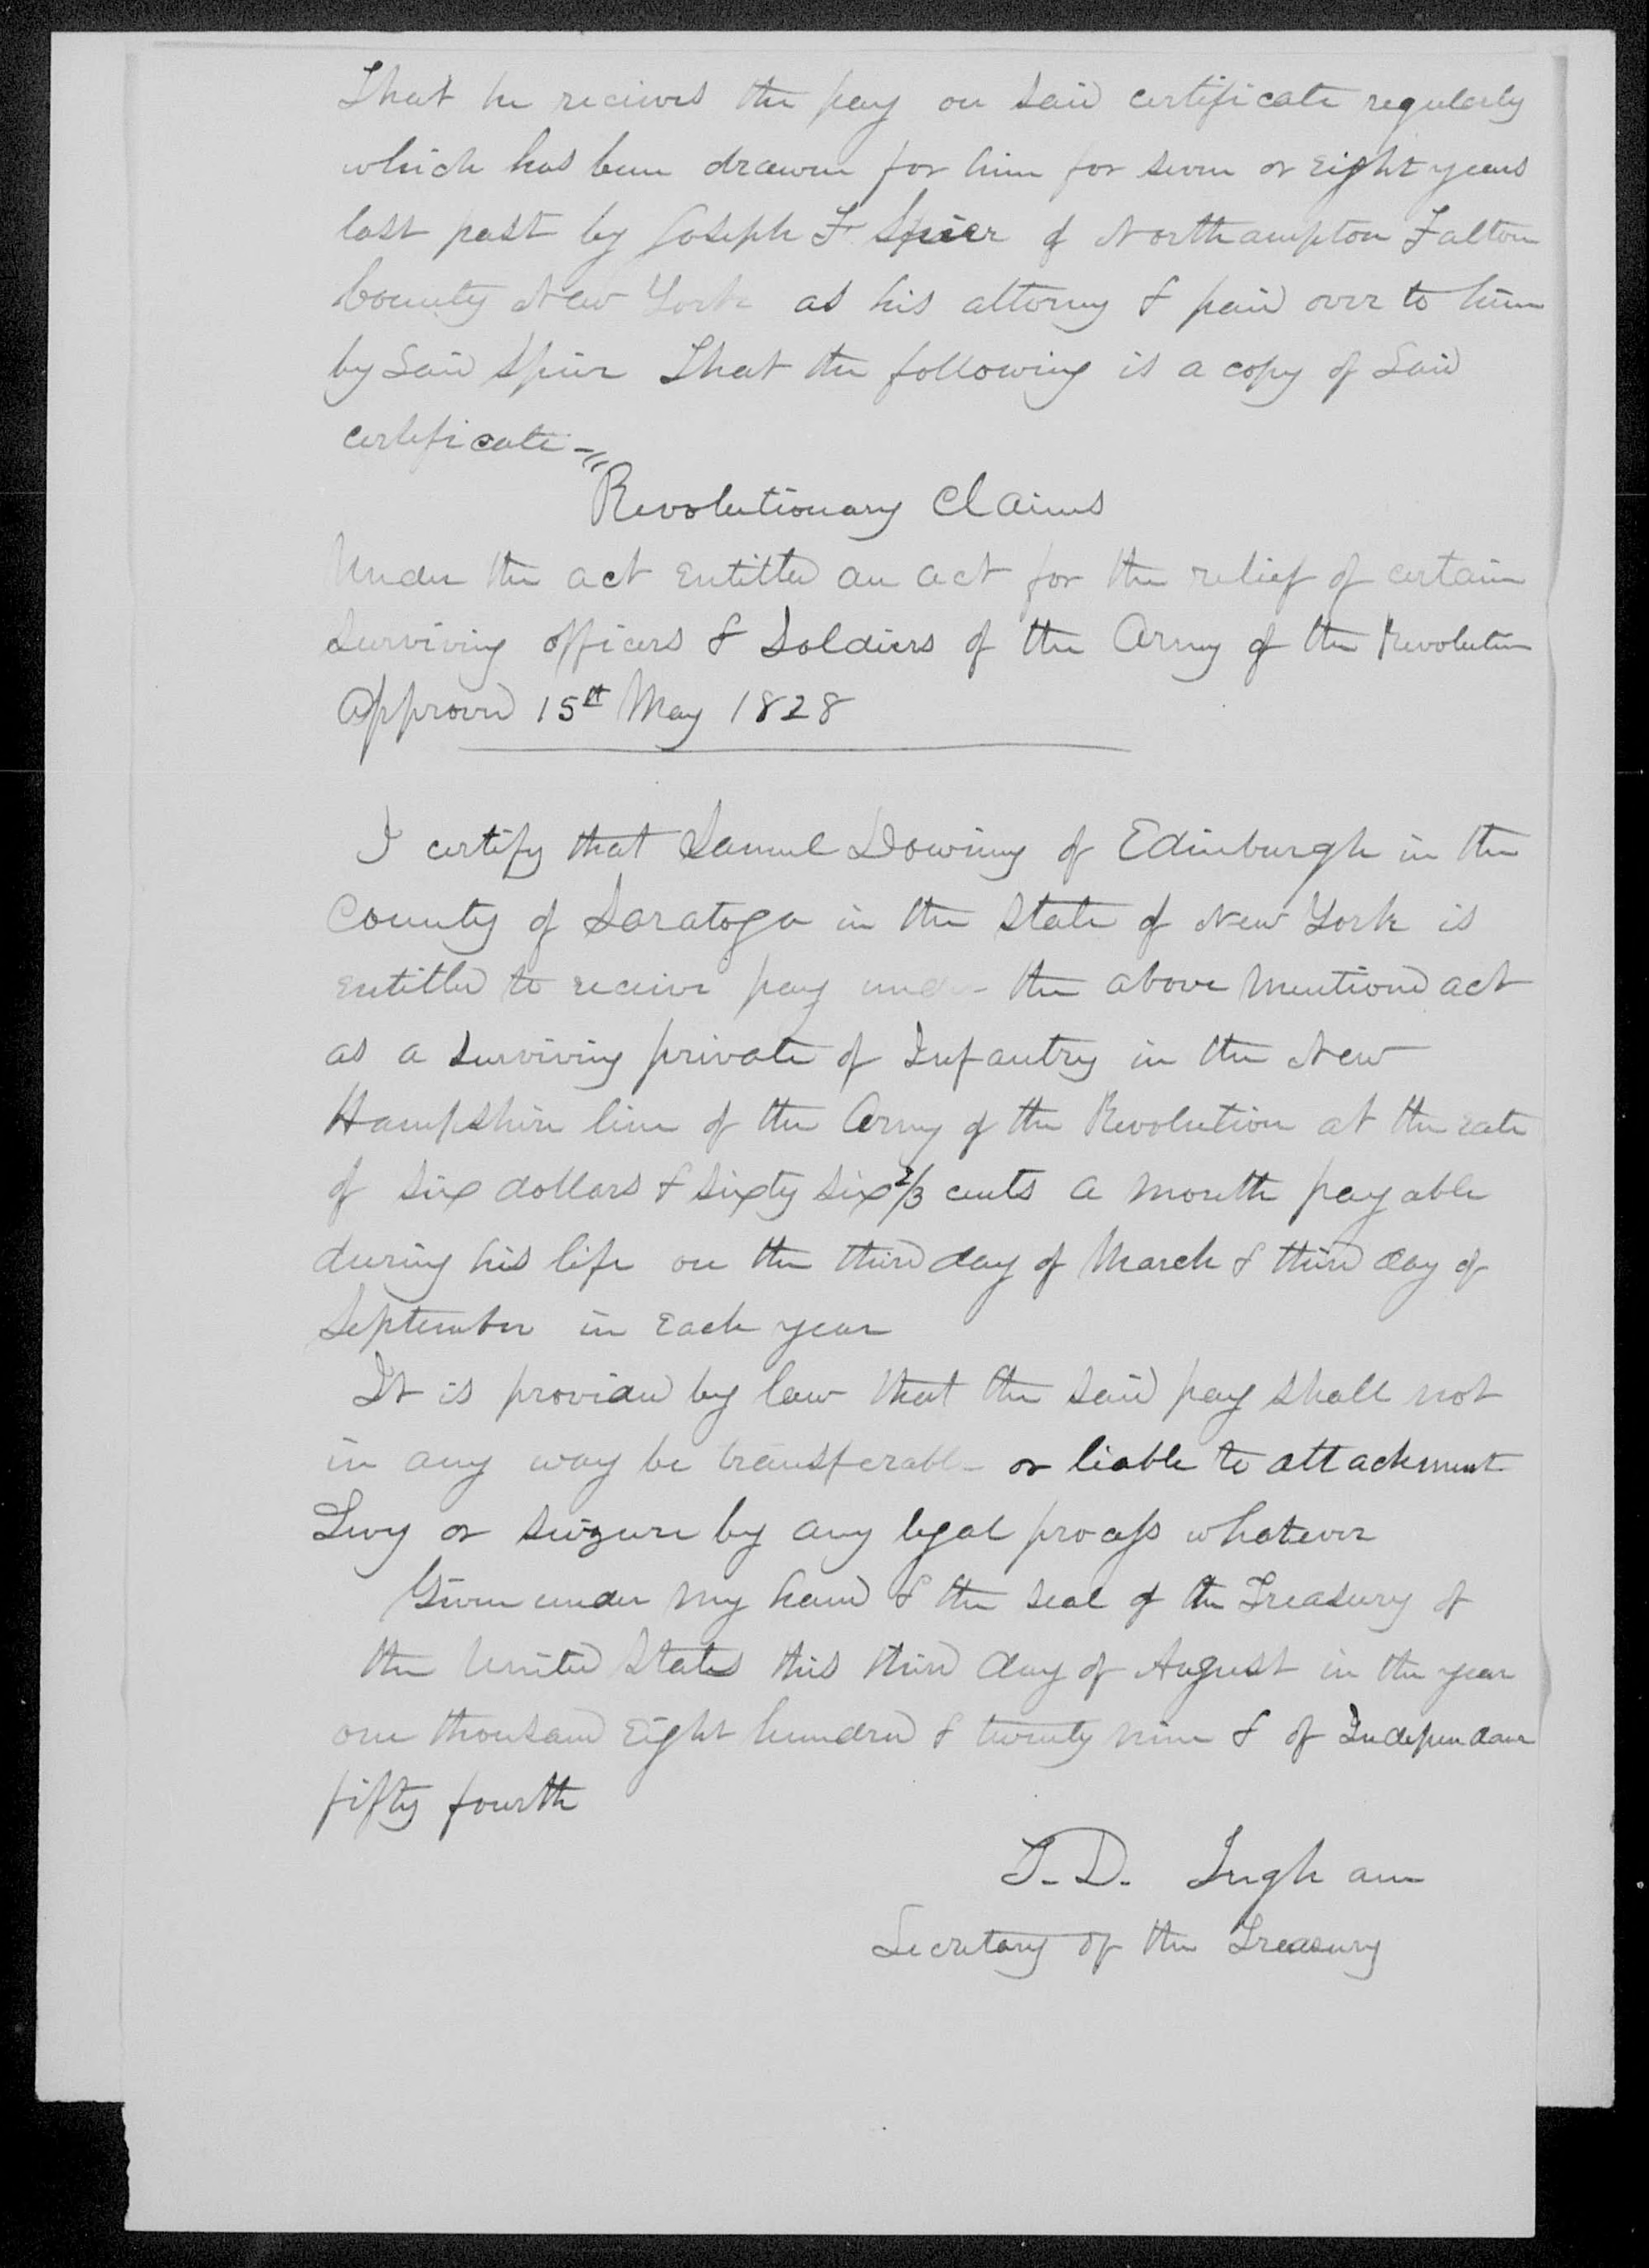That he received the pay on Said certificate regularly which has been drawn for him seven or eight years last past by Joseph F Spier of Northampton Falton County New York as his attorney & paid over to him by Said Spier That the following is a copy of said certificate - Revolutionary Claims 
Under this act Entitled an act for the relief of certain Surviving officers & Soldiers of the Army of the Revolution approved 15th May 1828
I certify that Samuel Downing of Edinburgh in this County of Saratoga in the State of New York is entitled to receive pay under the above mentioned act as a surviving Private of Infantry in the New Hampshire line of the Army of the Revolution at the rate of six dollars and sixty six 2/3 cents a month payable during his life on the third day of March & third day of September in each year
It is provided by law that the said pay shall not in any way be transferable or liable to attachment Levy or seizure by any legal process whatsoever Given under my hand & the seal of the Treasury of the United States this third day of August in the year one thousand Eight hundred & twenty nine & of Independence fifty fourth
T.D. Tughan
Secretary of the Treasury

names: Joseph F Spier, Spier, Samuel Downing, T D Ingham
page: 6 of 56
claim: survivor's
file: S. 40,055, Samuel Downing, N.H.